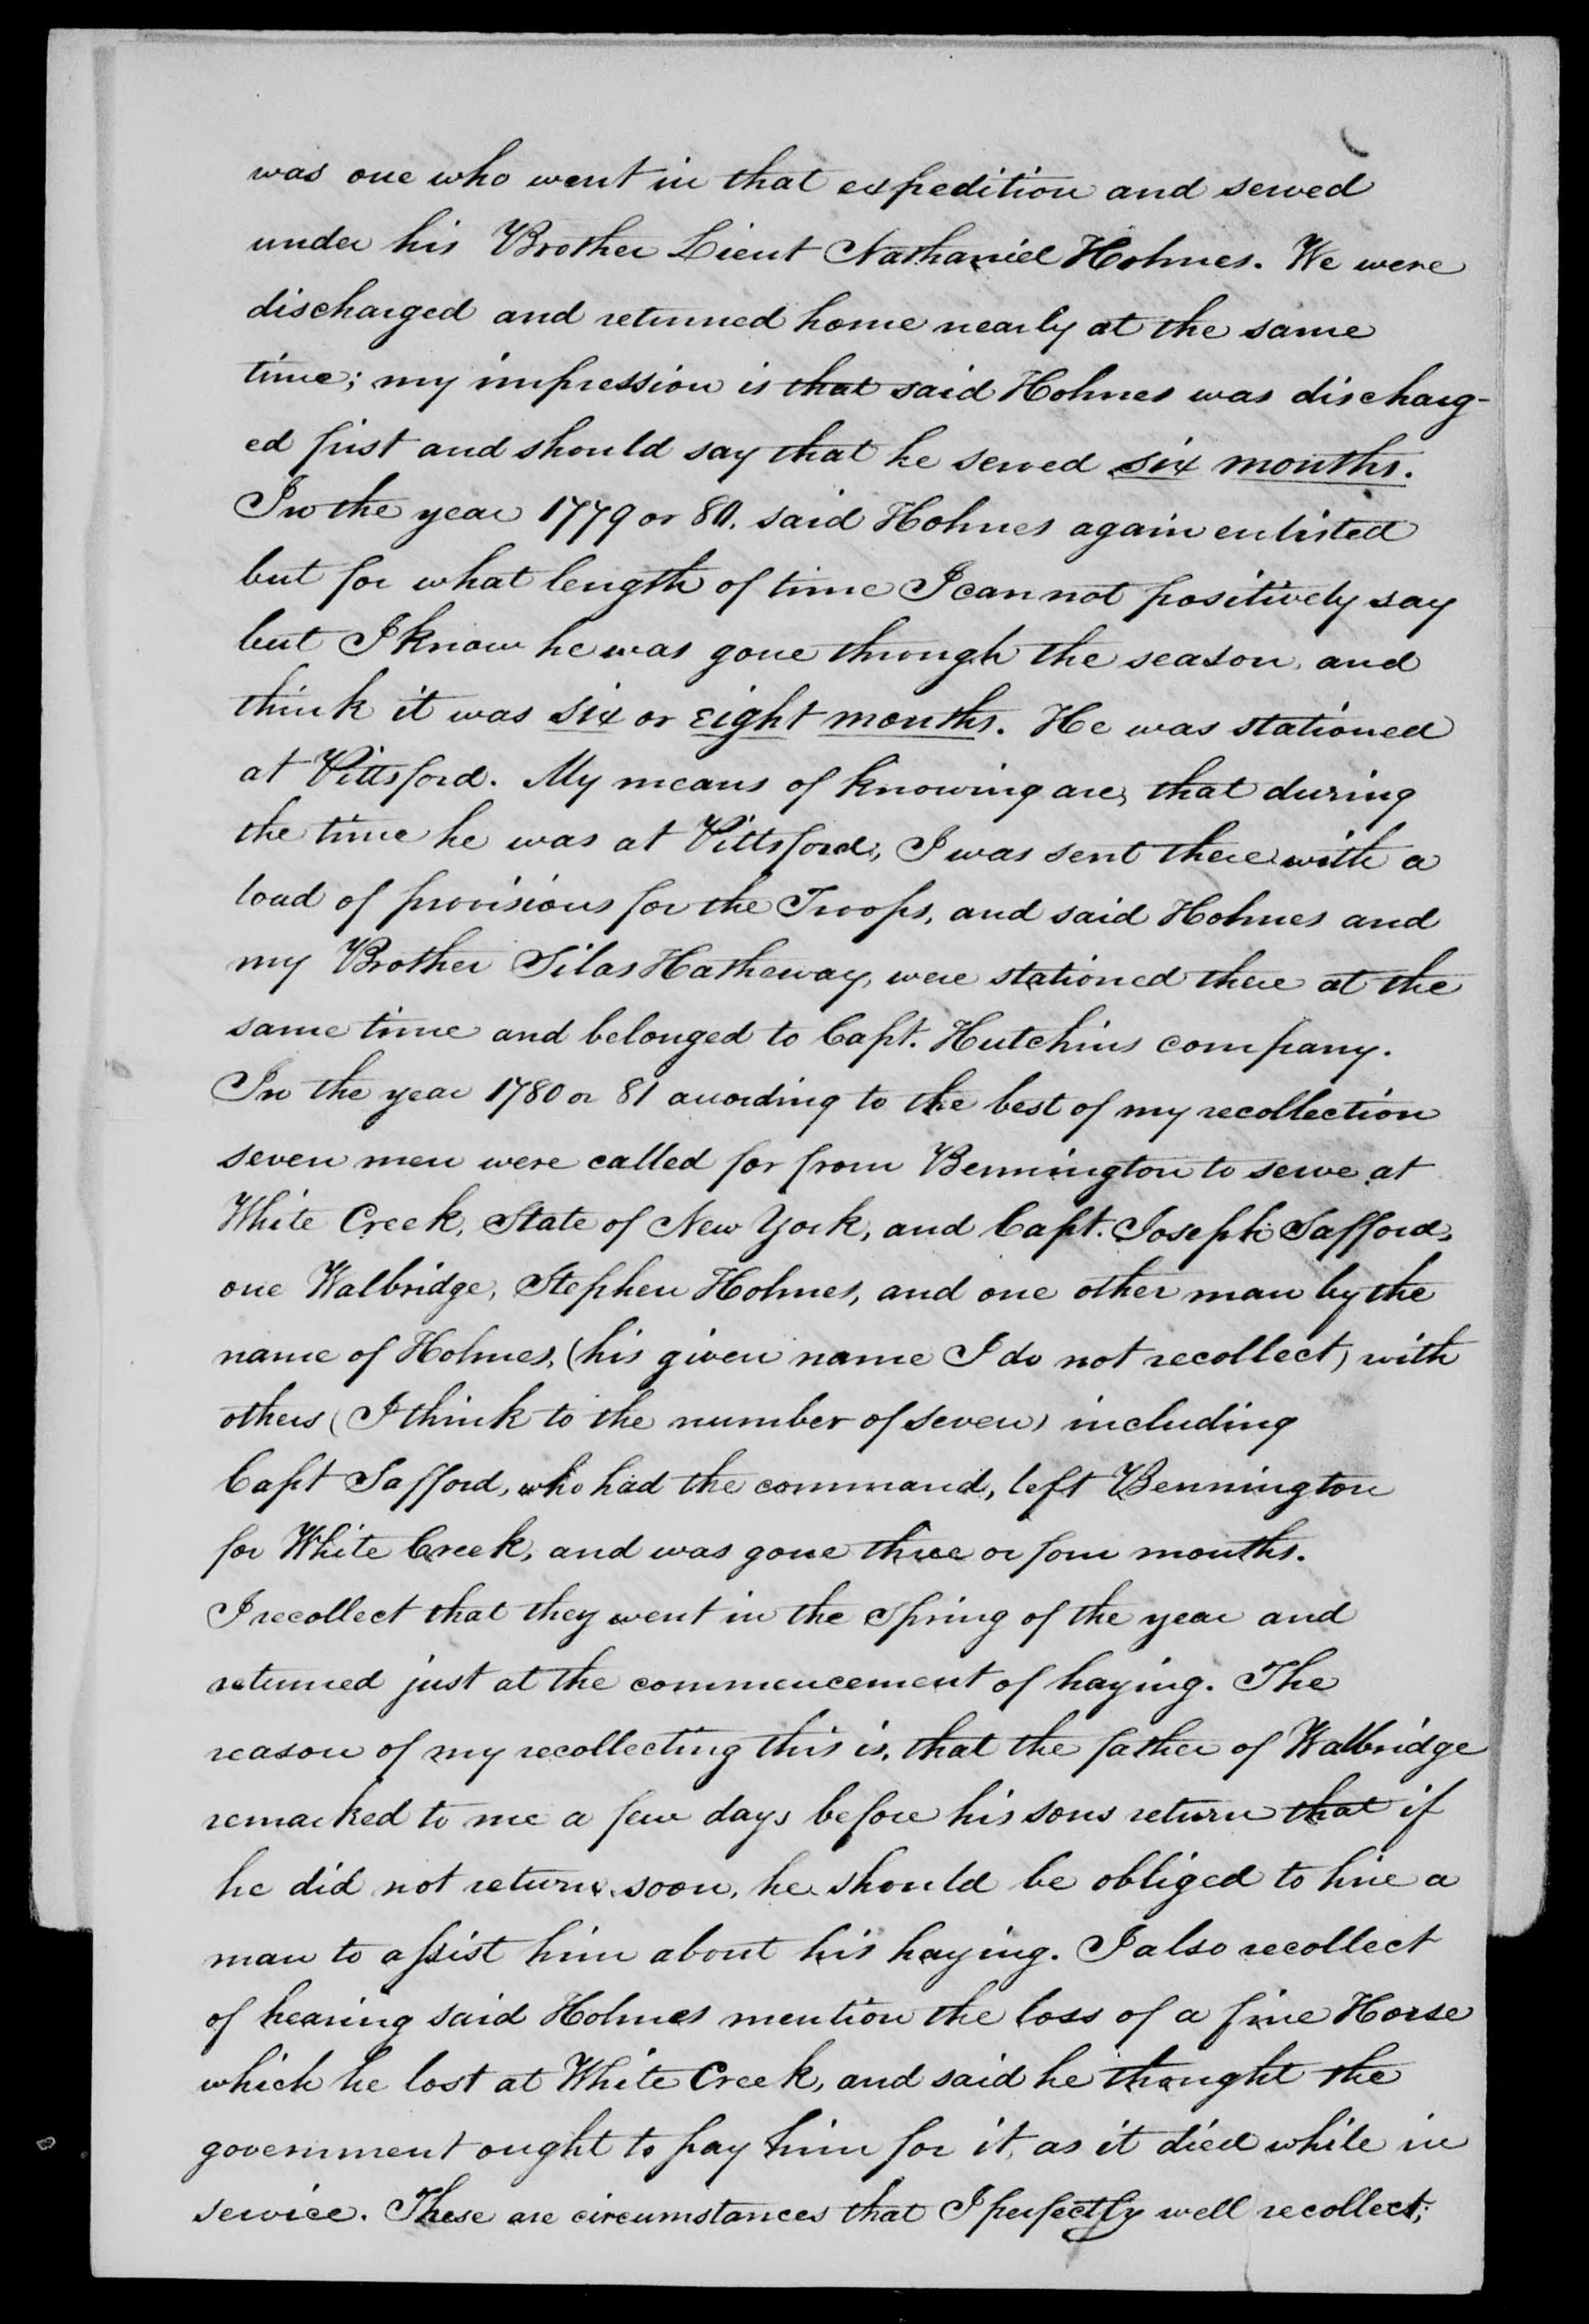was one who went in that expedition and served under his Brother Lieut Nathaniel Holmes. We were discharged and returned home nearly at the same time; my impression is that said Holmes was discharged first and should say that he served six months. In the year 1779 or 80, said Holmes again enlisted but for what length of time I cannot positively say but I know he was gone through the season, and think it was six or eight months. He was stationed at Pittsford. My means of knowing are, that during the time he was at Pittsford, I was sent there with a load of provisions for the Troops, and said Holmes and my Brother Silas Hatheway, were stationed there at the same time and belonged to Capt. Hutchins company.

In the year 1780 or 81 according to the best of my recollection seven men were called for from Bennington to serve at White Creek, State of New York, and Capt. Joseph Safford, one Walbridge, Stephen Holmes, and one other man by the name of Holmes (his given name I do not recollect) with others (I think to the number of seven) including Capt Safford, who had the command, left Bennington for White Creek, and was gone three or four months. I recollect that they went in the Spring of the year and returned just at the commencement of haying. The reason of my recollecting is, that the father of Walbridge remarked to me once a few days before his sons return that if he did not return soon, he should be obliged to hire a man to assist him about his haying. I also recollect of hearing said Holmes mention the loss of a fine Horse which he lost at White Creek, and said he thought the government ought to pay him for it as it died while in service. These are circumstances that I perfectly well recollect;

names: Stephen Holmes, Holmes, Silas Hatheway, Holmes, Joseph Safford, Holmes, Nathaniel Holmes, Holmes, Safford, Holmes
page: 55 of 72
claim: widow's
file: W. 7771, Stephen Holmes, Vt.